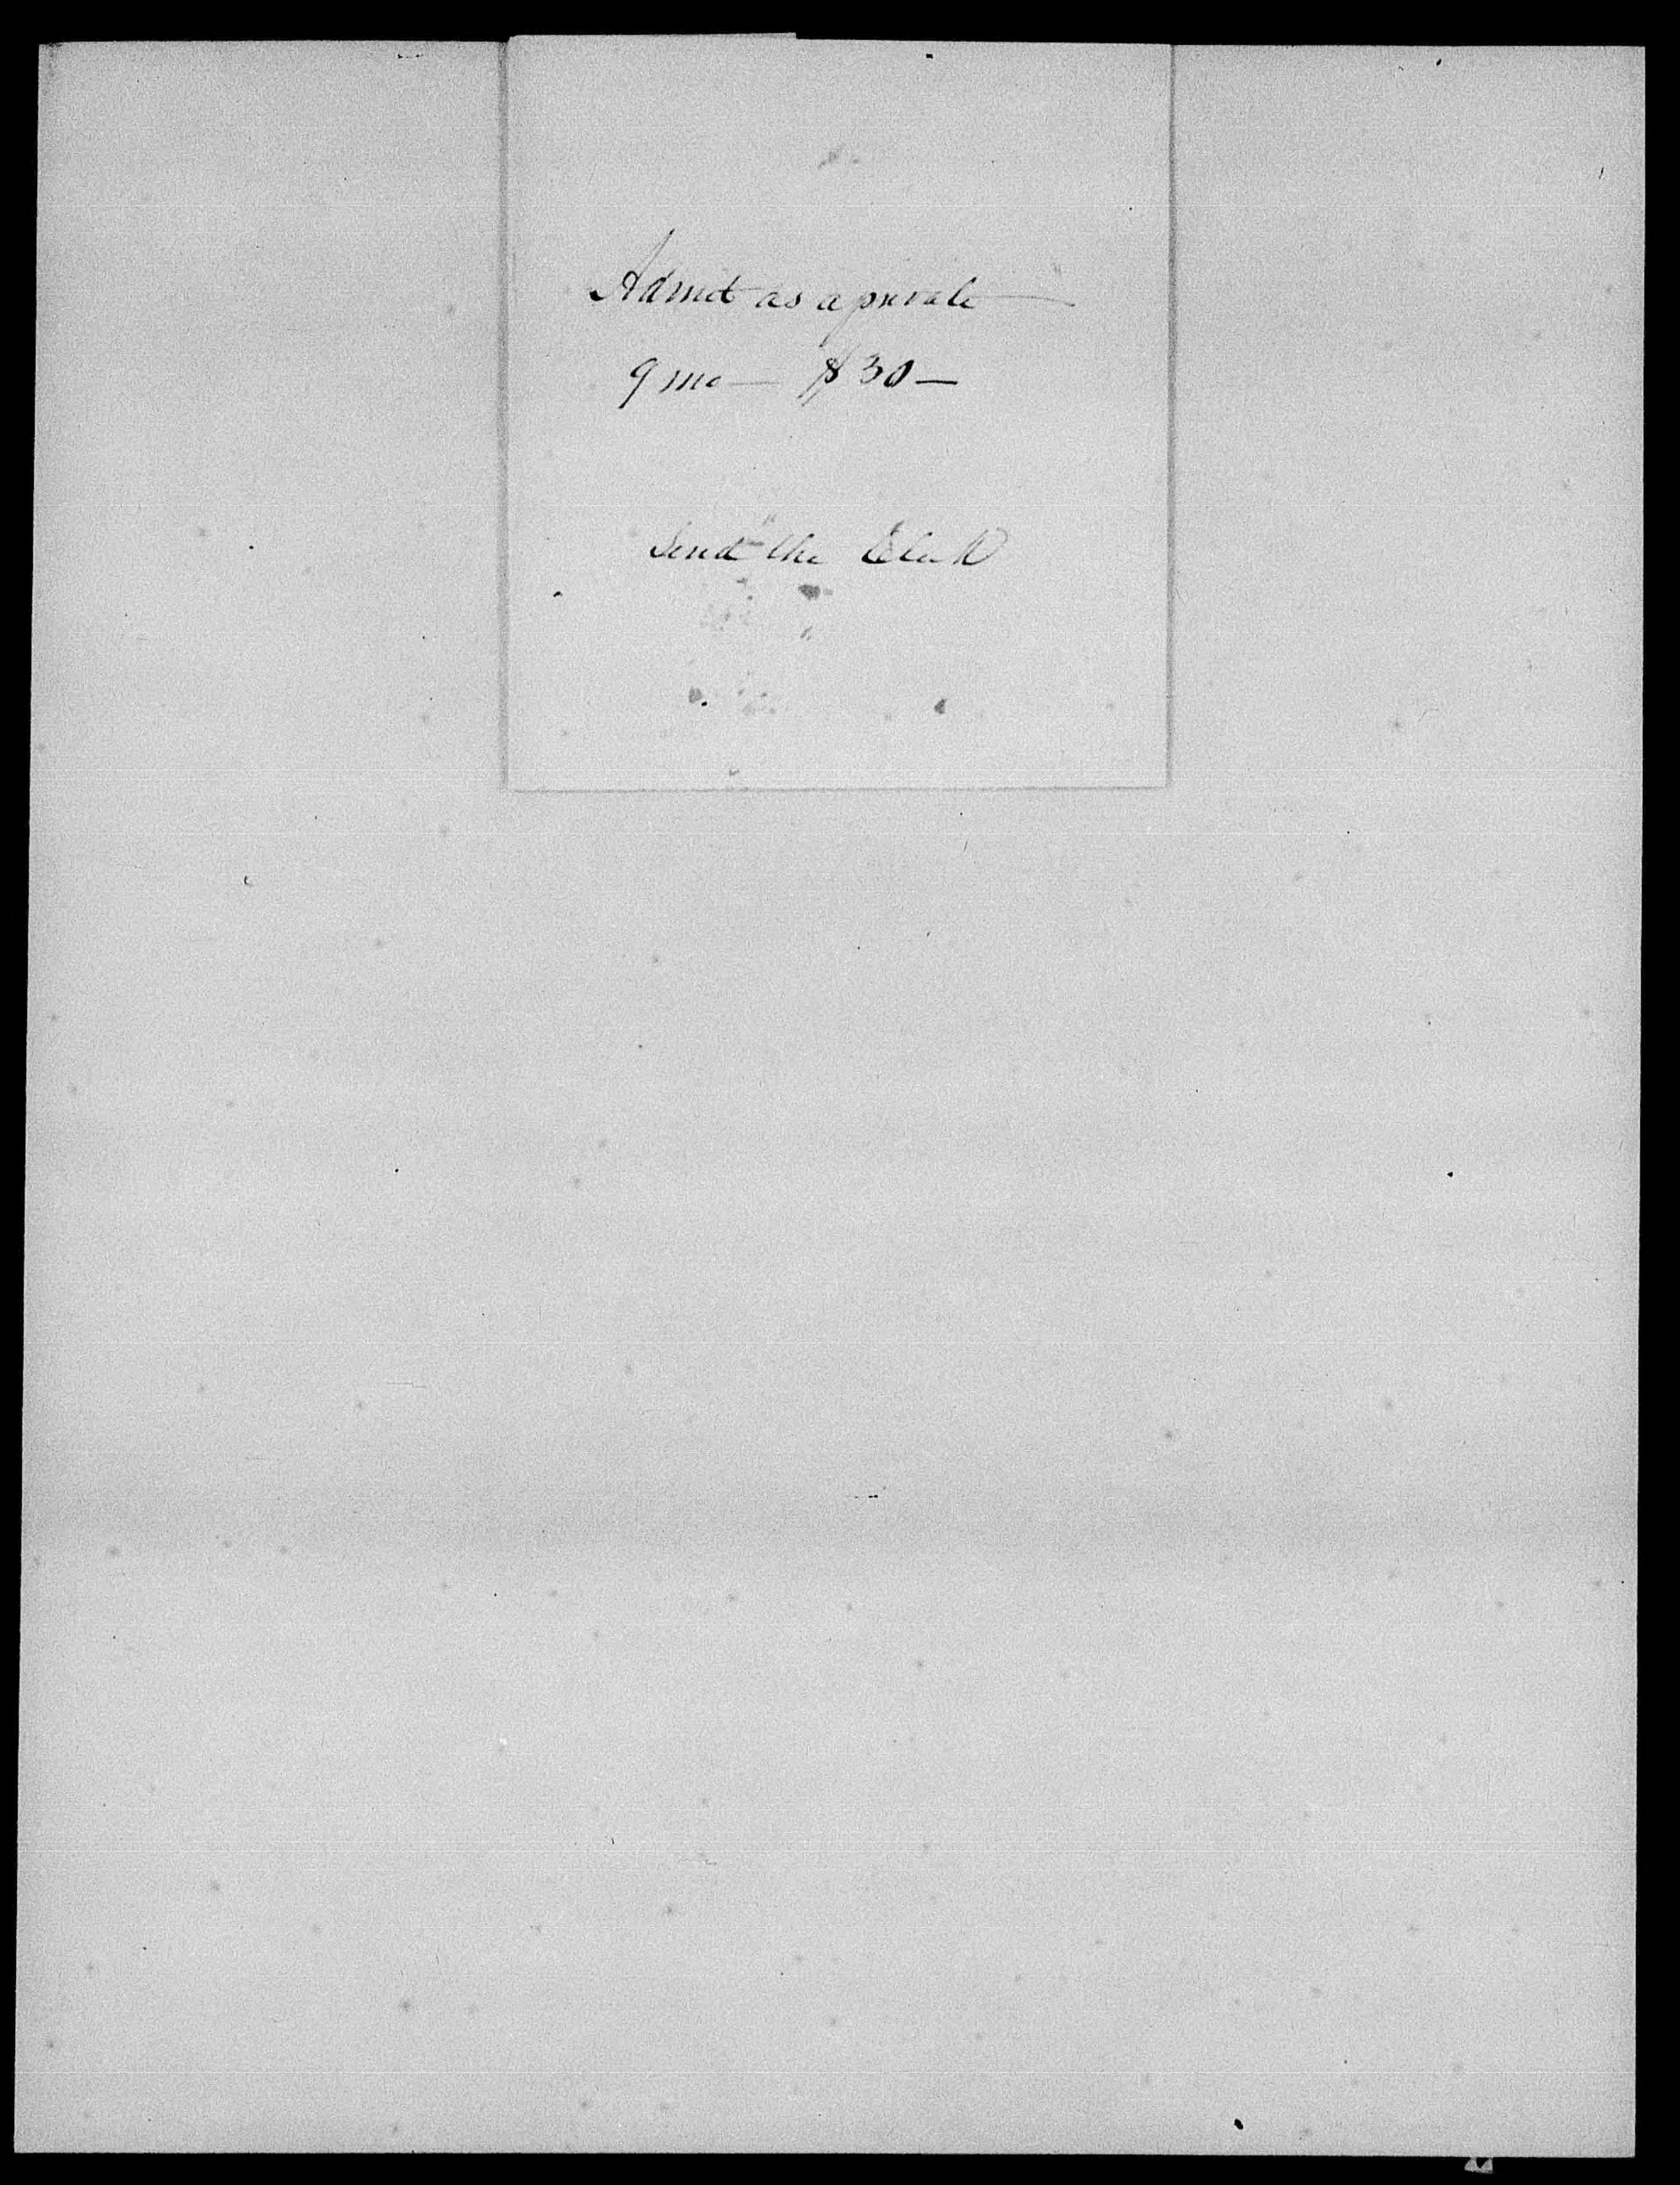Admit as a private
9 mo. $30
Send the Clerk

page: 3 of 9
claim: survivor's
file: S. 9,399, for James Malpass, North Carolina